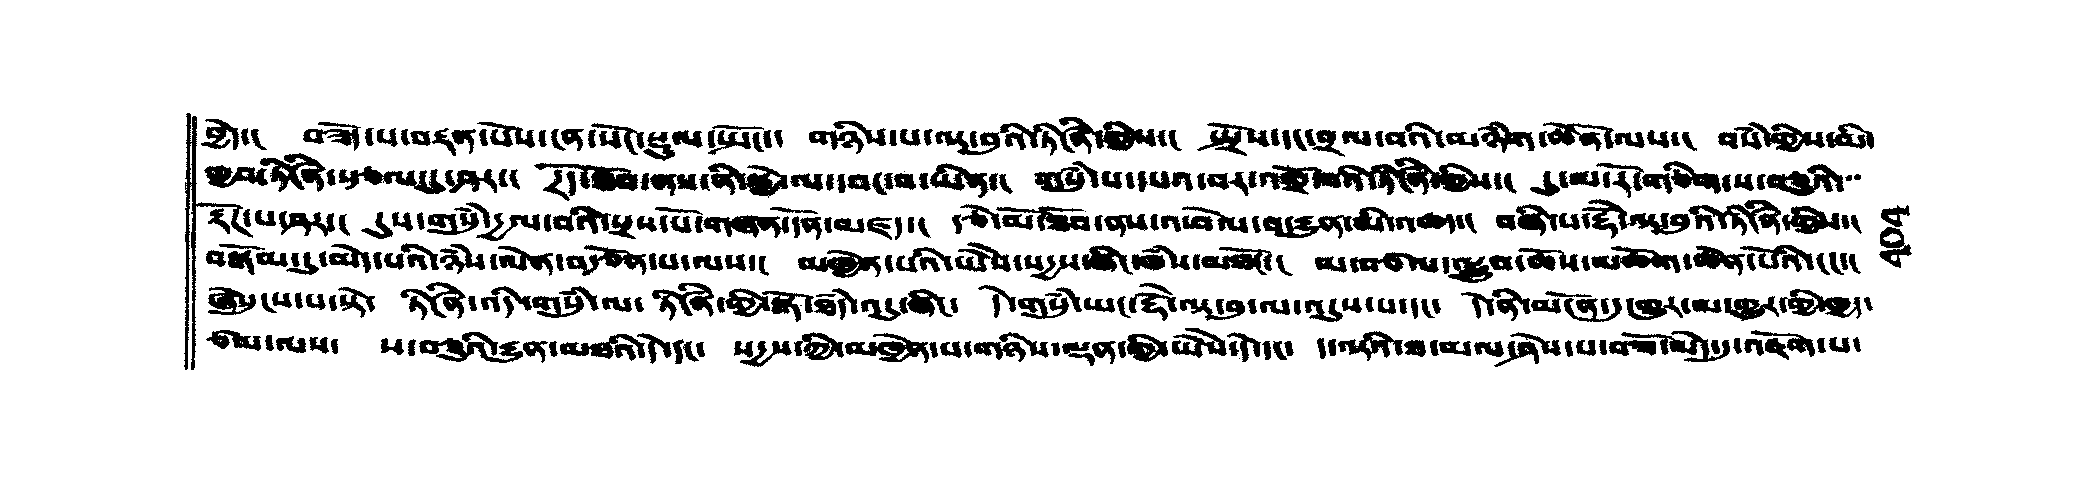བྱེད། །བཟོད་པ་བརྟན་པོས་ངན་སོང་སྡུག་བསྔལ་སྤོང་། །གཉིས་པ་སྒྱུ་མ་ལྟ་བུའི་ཏིང་འཛིན་གྱིས། །སྤྲོས་དང་བྲལ་བའི་མཉམ་བཞག་ཆེན་པོ་ལས། །བསམ་གྱིས་མི་
ཁྱབ་ཏིང་འཛིན་རྩལ་དུ་ཤར། །དྲོད་ཐོབ་ནས་ནི་སྐྱེ་ལ་དབང་བ་ཡིན། །གསུམ་པ་དཔའ་བར་འགྲོ་བའི་ཏིང་འཛིན་གྱིས། །དུ་མ་རོ་གཅིག་ས་བཅུའི་
རྟོགས་པ་ཤར། །དུས་གསུམ་རྒྱལ་བའི་སྲས་པོ་གཞན་དོན་མཛད། །རྩེ་མོ་ཐོབ་ནས་འཕེལ་བ་རྒྱུན་མི་འཆད། །བཞི་པ་རྡོ་རྗེ་ལྟ་བུའི་ཏིང་འཛིན་གྱིས། །
བསྒོམ་དུ་མེད་པའི་ཉམས་ལེན་བརྩོན་པ་ལས། །མཁྱེན་པའི་ཡེ་ཤེས་སངས་རྒྱས་ཞིང་ཁམས་མཐོང་། །མ་བཙལ་ལྷུན་གྲུབ་ཆོས་མཆོག་ཆེན་པོའི་ངང་། 
ཞེས་གསུངས་པ་སྟེ། ཏིང་འཛིན་འདི་གསུམ་ལ། ཏིང་འཛིན་གྱི་སྒོ་ཐམས་ཅད་འདུ་ཞིང་། དེ་གསུམ་ཡང་རྡོ་རྗེ་ལྟ་བུ་ལ་འདུས་པ་དང་། དེ་ནི་མངོན་དུ་གྱུར་མ་གྱུར་གྱི་ཁྱད་
ཙམ་ལས། ས་བཅུའི་རྒྱུན་མཐའི་དེ་དང་། སངས་རྒྱས་ཀྱི་མཁྱེན་པ་གཉིས་ལྡན་གྱི་ཡེ་ཤེས་དེ་དང་།ད་ལྟའི་ཐ་མལ་ཤེས་པ་བཟོ་མེད་དུ་འཇོག་པ་